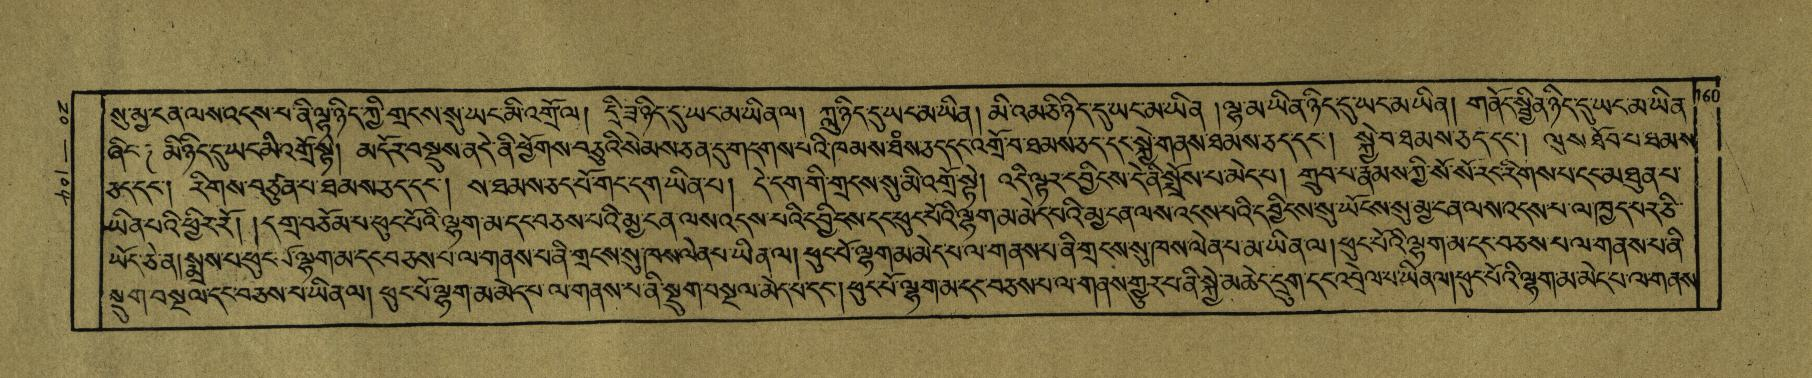སུ་མྱ་ངན་ལས་འདས་པ་ནི་ལྷ་ཉིད་ཀྱི་གྲངས་སུ་ཡང་མི་འགྲོ་ལ། དྲི་ཟ་ཉིད་དུ་ཡང་མ་ཡིན་ལ། ཀླུ་ཉིད་དུ་ཡང་མ་ཡིན། མི་འམ་ཅི་ཉིད་དུ་ཡང་མ་ཡིན་།ལྷ་མ་ཡིན་ཉིད་དུ་ཡང་མ་ཡིན། གནོད་སྦྱིན་ཉིད་དུ་ཡང་མ་ཡིན་
ཞིང༑ མི་ཉིད་དུ་ཡང་མི་འགྲོ་སྟེ། མདོར་བསྡུས་ན་དེ་ནི་ཕྱོགས་བཅུའི་སེམས་ཅན་དུ་གདགས་པའི་ཁམས་ཐཾས་ཅད་དང་འགྲོ་བ་ཐམས་ཅད་དང་སྐྱེ་གནས་ཐམས་ཅད་དང་། སྐྱེ་བ་ཐམས་ཅད་དང་། ལུས་ཐོབ་པ་ཐམས་
ཅད་དང་། རིགས་བཙུན་པ་ཐམས་ཅད་དང་། ས་ཐམས་ཅད་པོ་གང་དག་ཡིན་པ། དེ་དག་གི་གྲངས་སུ་མི་འགྲོ་སྟེ། འདི་ལྟར་དབྱིངས་དེ་ནི་སྤྲོས་པ་མེད་པ། གྲུབ་པ་རྣམས་ཀྱི་སོ་སོ་རང་རིགས་པ་དང་མཐུན་པ་
ཡིན་པའི་ཕྱིར་རོ། །དགྲ་བཅོམ་པ་ཕུང་པོའི་ལྷག་མ་དང་བཅས་པའི་མྱ་ངན་ལས་འདས་པའི་དབྱིངས་དང་ཕུང་པོའི་ལྷག་མ་མེད་པའི་མྱ་ངན་ལས་འདས་པའི་དབྱིངས་སུ་ཡོངས་སུ་མྱ་ངན་ལས་འདས་པ་ལ་ཁྱད་པར་ཅི་
ཡོད་ཅེ་ན། སྨྲས་པ་ཕུང་པོ་ལྷག་མ་དང་བཅས་པ་ལ་གནས་པ་ནི་གྲངས་སུ་ཁས་ལེན་པ་ཡིན་ལ། ཕུང་པོ་ལྷག་མ་མེད་པ་ལ་གནས་པ་ནི་གྲངས་སུ་ཁས་ལེན་པ་མ་ཡིན་ལ། ཕུང་པོའི་ལྷག་མ་དང་བཅས་པ་ལ་གནས་པ་ནི་
སྡུག་བསྔལ་དང་བཅས་པ་ཡིན་ལ། ཕུང་པོ་ལྷག་མ་མེད་པ་ལ་གནས་པ་ནི་སྡུག་བསྔལ་མེད་པ་དང་། ཕུང་པོ་ལྷག་མ་དང་བཅས་པ་ལ་གནས་གྱུར་པ་ནི་སྐྱེ་མཆེད་དྲུག་དང་འབྲེལ་པ་ཡིན་ལ། ཕུང་པོའི་ལྷག་མ་མེད་པ་ལ་གནས་